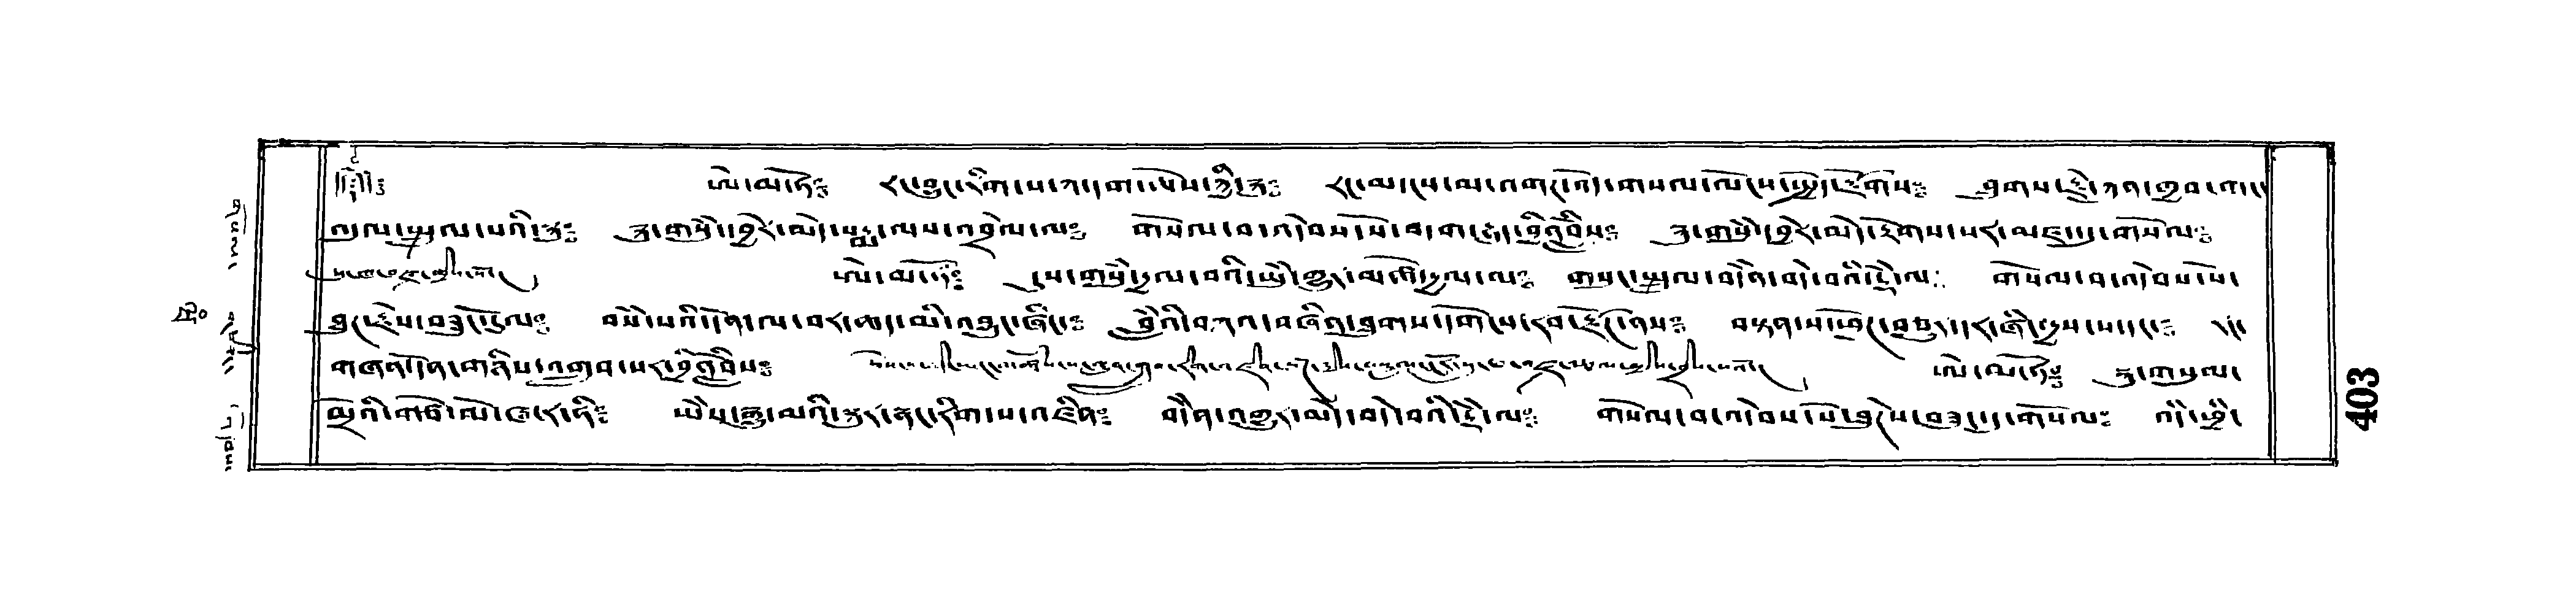ཨེ་མ་ཧོ༔ རང་བྱུང་རིག་པ་ཀ་དག་ཆོས་ཀྱི་སྐུ༔ རང་མདངས་མ་འགགས་འོད་གསལ་ལོངས་སྤྱོད་རྫོགས༔ ཐུགས་རྗེ་ཀུན་ཁྱབ་གང་
འདུལ་སྤྲུལ་པའིསྐུ༔ སྐུ་གསུམ་དབྱེར་མེད་པདྨ་ལས་འབྲེལ་ལ༔ གསོལ་བ་འདེབས་སོ་བདག་རྒྱུད་བྱིན་གྱིས་རློབས༔ སྐུ་གསུམ་དབྱེར་མེད་རྟོགས་པར་མཛད་དུ་གསོལ༔ 
སུ་ཁ་བཛྲ་གྱིས་སོ།། ཨེ་མ་ཧོ༔ དུས་གསུམ་རྒྱལ་བའི་ཡུམ་གྱུར་མཚོ་རྒྱལ་མ༔ གསུང་སྤྲུལ་བདེ་ཆེན་བདེ་བའི་རྡོ་རྗེ་ལ༔ གསོལ་བ་འདེབས་སོ་
ཐུགས་རྗེས་བཟུང་དུ་གསོལ༔ བསམ་པའི་དོན་ལ་བར་ཆད་མི་འབྱུང་ཞིང༔ བླ་མའི་བཀའ་བཞིན་ཐུགས་དགོངས་རབ་རྫོགས་ནས༔ བསྟན་པ་ཕྱོགས་བཅུར་དར་ཞིང་རྒྱས་པ་དང༔ རང་
གཞན་དོན་གཉིས་འགྲུབ་པར་བྱིན་གྱིས་རློབས༔ ཅེས་པ་འདི་ཡང་མཚམས་པ་ལྷུན་གྲུབ་རིག་འཛིན་སོགས་ཀྱིས་བསྐུལ་ངོར་སུ་ཁ་བཛྲ་རྩལ་གྱིས་བྲིས་པའོ། ཨེ་མ་ཧོ༔ སྐུ་གསུམ་
མཁའ་འགྲོའི་གཙོ་མོ་ཝ་ར་ཧི༔ ཡེ་ཤེས་སྒྱུ་མའི་སྐུར་སྣང་རིག་པ་འཛིན༔ བདེ་ཆེན་འགྱུར་མེད་བདེ་བའི་རྡོ་རྗེ་ལ༔ གསོལ་བ་འདེབས་སོ་ཐུགས་རྗེས་བཟུང་དུ་གསོལ༔ འདི་ཕྱི་